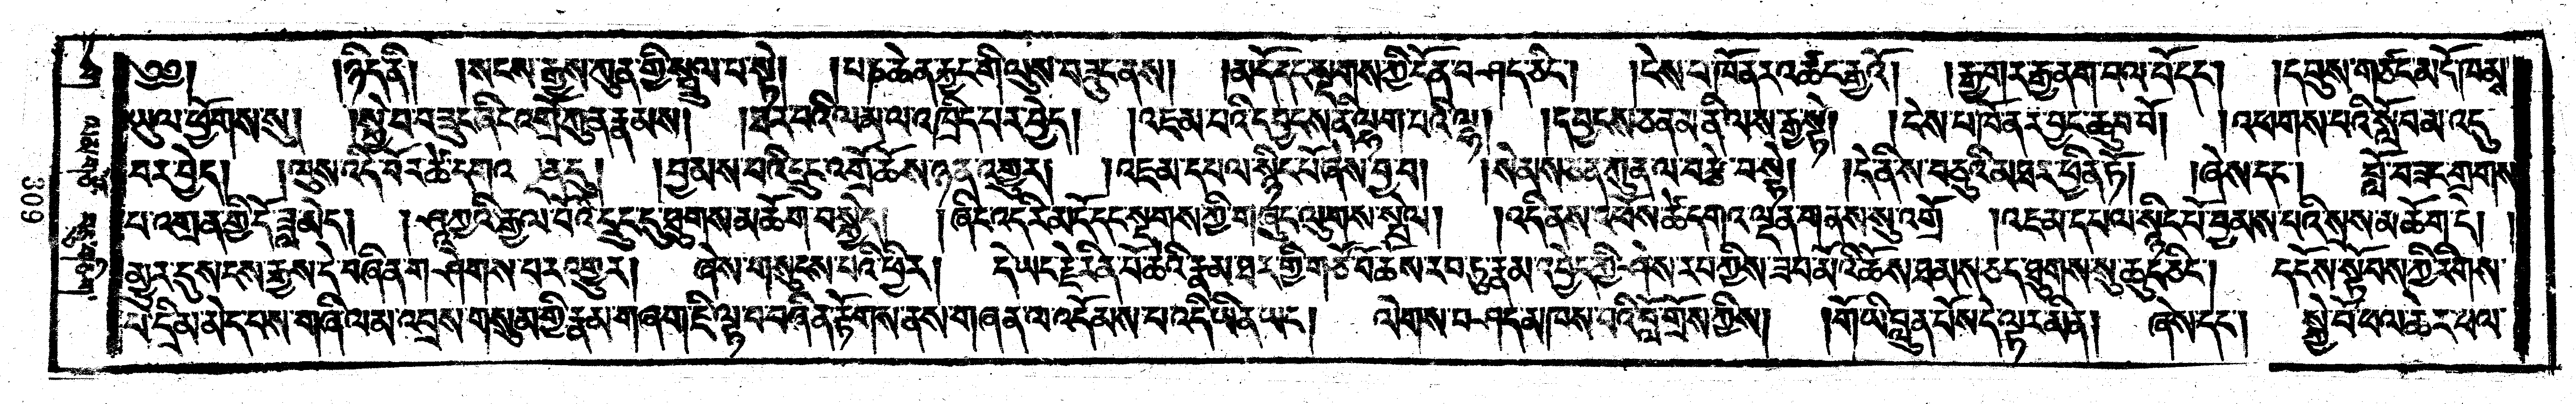༄༅། །ཉིད་ནི། །སངས་རྒྱས་ཀུན་གྱི་སྤྲུལ་པ་སྟེ། །པཎ་ཆེན་རྐྱང་གི་ལུས་བཟུང་ནས། །མདོ་དང་སྔགས་ཀྱི་དོན་བཤད་ཅིང་། །ངེས་པ་ཁོ་ནར་འཚང་རྒྱའོ། །རྒྱ་གར་རྒྱ་ནག་བལ་པོ་དང་། །དབུས་གཙང་མདོ་ཁམས་
ཡུལ་ཕྱོགས་སུ། །སྐྱེ་བ་བཟུང་ཞིང་འགྲོ་ཀུན་རྣམས། ཐར་པའི་ལམ་ལ་འཁྲིད་པར་བྱེད། །འཇམ་པའི་དབྱངས་ནི་ལྷག་པའི་ལྷ། །དབྱངས་ཅན་མ་ནི་ལས་རྒྱ་སྟེ། །ངེས་པ་ཁོ་ནར་བྱང་ཆུབ་པོ། །ཕགས་པའི་སློབ་མ་འདུ་
བར་བྱེད། །ལུས་འདི་བོར་ཚེ་དགའ་ལྡན་དུ། །བྱམས་པའི་དྲུང་འགྲོ་ཆོས་ཉན་འགྱུར། །འཇམ་དཔལ་སྙིང་པོ་ཞེས་བྱ་བ། །སེམས་ཅན་ཀུན་ལ་བརྩེ་བ་སྟེ། །དེ་ནི་ས་བཅུའི་མཐར་ཕྱིན་ཏོ། །ཞེས་དང་། བློ་བཟང་གྲགས་
པ་འགྲན་གྱི་དོ་ཟླ་མེད། །ཤཱཀྱའི་རྒྱལ་པོའི་དྲུང་དུ་ཐུགས་མཆོག་བསྐྱེད། །ཞིང་འདིར་མདོ་དང་སྔགས་ཀྱི་གཞུང་ལུགས་སྤེལ། །འདི་ནས་འཕོས་ཚེ་དགའ་ལྡན་གནས་སུ་འགྲོ། །འཇམ་དཔལ་སྙིང་པོ་བྱམས་པའི་སྲས་མཆོག་དེ། །
མྱུར་དུ་སངས་རྒྱས་དེ་བཞིན་གཤེགས་པར་འགྱུར། ཞེས་གསུངས་པའི་ཕྱིར། དེ་ཡང་རྗེ་རིན་པོ་ཆེའི་རྣམ་ཐར་གྱི་གཙོ་བོ་ཆོས་རབ་ཏུ་རྣམ་འབྱེད་ཀྱི་ཤེས་རབ་ཀྱིས་ཟབ་མོའི་ཆོས་ཐམས་ཅད་ཐུགས་སུ་ཆུང་ཅིང་། དངོས་སྟོབས་ཀྱི་རིགས་
པ་དྲི་མ་མེད་པས་གཞི་ལམ་འབྲས་གསུམ་གྱི་རྣམ་གཞག་ཇི་ལྟ་བ་བཞིན་རྟོགས་ནས་གཞན་ལ་འདོམས་པ་འདི་ཡིན་ཡང་། ལེགས་བཤད་ཁམས་པའི་སློ་གྲོས་ཀྱིས། །གོ་ཡི་བླུན་པོས་དེ་ལྟར་མིན། ཞེས་དང་། སྐྱེ་བོ་ཕལ་ཆེར་ཕལ་